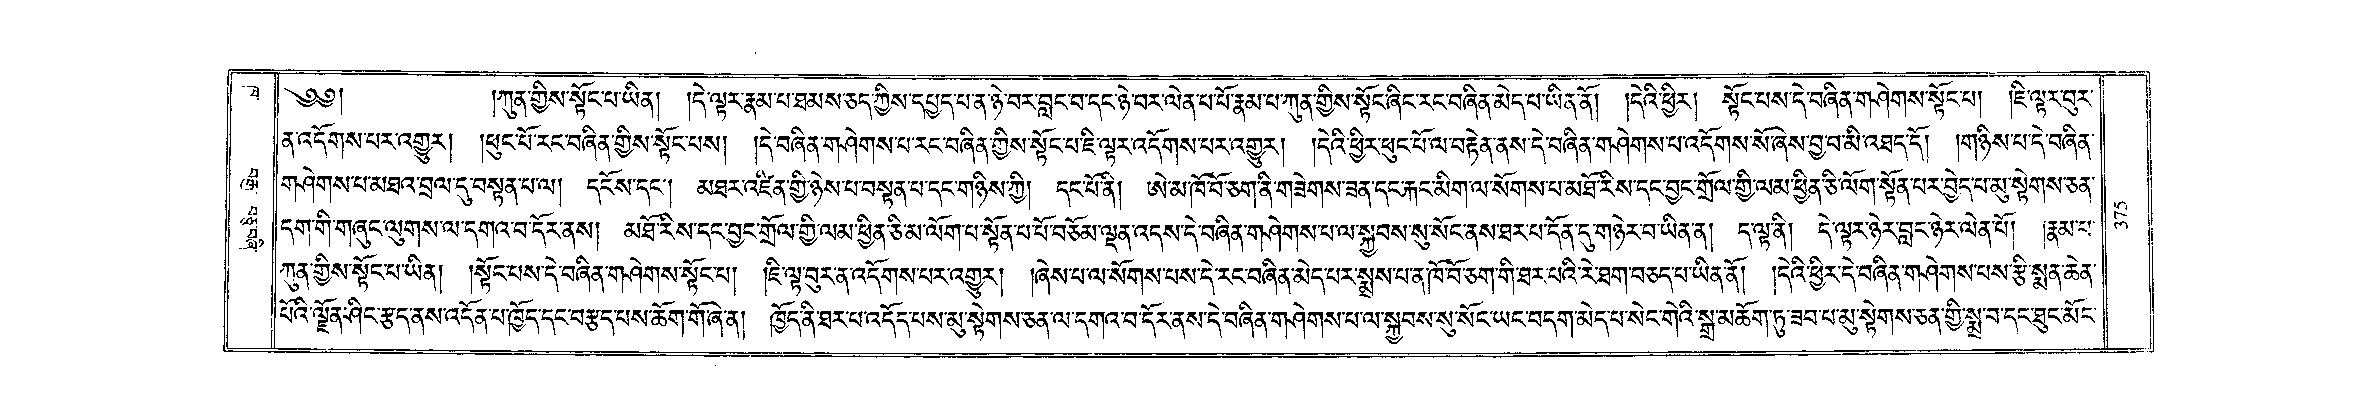༄༅། །ཀུན་གྱིས་སྟོང་པ་ཡིན། །དེ་ལྟར་རྣམ་པ་ཐམས་ཅད་ཀྱིས་དཔྱད་པ་ན་ཉེ་བར་བླང་བ་དང་ཉེ་བར་ལེན་པ་པོ་རྣམ་པ་ཀུན་གྱིས་སྟོང་ཞིང་རང་བཞིན་མེད་པ་ཡིན་ནོ། །དེའི་ཕྱིར། སྟོང་པས་དེ་བཞིན་གཤེགས་སྟོང་པ། །ཇི་ལྟར་བུར་
ན་འདོགས་པར་འགྱུར། །ཕུང་པོ་རང་བཞིན་གྱིས་སྟོང་པས། །དེ་བཞིན་གཤེགས་པ་རང་བཞིན་གྱིས་སྟོང་པ་ཇི་ལྟར་འདོགས་པར་འགྱུར། །དེའི་ཕྱིར་ཕུང་པོ་ལ་བརྟེན་ནས་དེ་བཞིན་གཤེགས་པ་འདོགས་སོ་ཞེས་བྱ་བ་མི་འཐད་དོ། །གཉིས་པ་དེ་བཞིན་
གཤེགས་པ་མཐའ་བྲལ་དུ་བསྟན་པ་ལ། དངོས་དང་། མཐར་འཛིན་གྱི་ཉེས་པ་བསྟན་པ་དང་གཉིས་ཀྱི། དང་པོ་ནི། ཨེ་མ་ཁོ་བོ་ཅག་ནི་གཟེགས་ཟན་དང་རྐང་མིག་ལ་སོགས་པ་མཐོ་རིས་དང་བྱང་གྲོལ་གྱི་ལམ་ཕྱིན་ཅི་ལོག་སྟོན་པར་བྱེད་པ་མུ་སྟེགས་ཅན་
དག་གི་གཞུང་ལུགས་ལ་དགའ་བ་དོར་ནས། མཐོ་རིས་དང་བྱང་གྲོལ་གྱི་ལམ་ཕྱིན་ཅི་མ་ལོག་པ་སྟོན་པ་པོ་བཅོམ་ལྡན་འདས་དེ་བཞིན་གཤེགས་པ་ལ་སྐྱབས་སུ་སོང་ནས་ཐར་པ་དོན་དུ་གཉེར་བ་ཡིན་ན། ད་ལྟ་ནི། དེ་ལྟར་ཉེར་བླང་ཉེར་ལེན་པོ། །རྣམ་པ་
ཀུན་གྱིས་སྟོང་པ་ཡིན། །སྟོང་པས་དེ་བཞིན་གཤེགས་སྟོང་པ། །ཇི་ལྟ་བུར་ན་འདོགས་པར་འགྱུར། །ཞེས་པ་ལ་སོགས་པས་དེ་རང་བཞིན་མེད་པར་སྨྲས་པ་ན་ཁོ་བོ་ཅག་གི་ཐར་པའི་རེ་ཐག་བཅད་པ་ཡིན་ནོ། །དེའི་ཕྱིར་དེ་བཞིན་གཤེགས་པས་རྩི་སྨན་ཆེན་
པོའི་ལྗོན་ཤིང་རྩད་ནས་འདོན་པ་ཁྱོད་དང་བརྩད་པས་ཆོག་གོ་ཞེ་ན། ཁྱོད་ནི་ཐར་པ་འདོད་པས་མུ་སྟེགས་ཅན་ལ་དགའ་བ་དོར་ནས་དེ་བཞིན་གཤེགས་པ་ལ་སྐྱབས་སུ་སོང་ཡང་བདག་མེད་པ་སེང་གེའི་སྒྲ་མཆོག་ཏུ་ཟབ་པ་མུ་སྟེགས་ཅན་གྱི་སྨྲ་བ་དང་ཐུང་མོང་